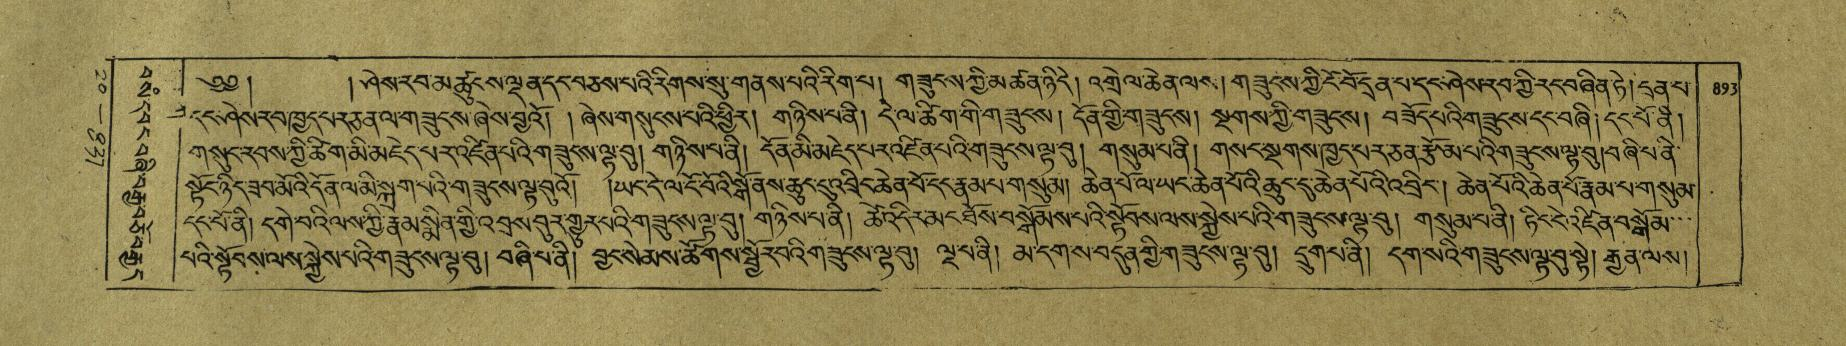༄༅། །ཤེས་རབ་མཚུངས་ལྡན་དང་བཅས་པའི་རིགས་སུ་གནས་པའི་རིག་པ། གཟུངས་ཀྱི་མཚན་ཉིད་དེ། འགྲེལ་ཆེན་ལས། གཟུངས་ཀྱི་ངོ་བོ་དྲན་པ་དང་ཤེས་རབ་ཀྱི་རང་བཞིན་ཏེ། དྲན་པ་
དང་ཤེས་རབ་ཁྱད་པར་ཅན་ལ་གཟུངས་ཞེས་བྱའོ། །ཞེས་གསུངས་པའི་ཕྱིར། གཉིས་པ་ནི། དེ་ལ་ཚིག་གི་གཟུངས། དོན་གྱི་གཟུངས། སྔགས་ཀྱི་གཟུངས། བཟོད་པའི་གཟུངས་དང་བཞི། དང་པོ་ནི།
གསུང་རབས་ཀྱི་ཚིག་མི་མཇེད་པར་འཛིན་པའི་གཟུངས་ལྟ་བུ། གཉིས་པ་ནི། དོན་མི་མཇེད་པར་འཛིན་པའི་གཟུངས་ལྟ་བུ། གསུམ་པ་ནི། གསང་སྔགས་ཁྱད་པར་ཅན་རྩོམ་པའི་གཟུངས་ལྟ་བུ། བཞི་པ་ནི་
སྟོང་ཉིད་ཟབ་མོའི་དོན་ལ་མི་སྐྲག་པའི་གཟུངས་ལྟ་བུའོ། །ཡང་དེ་ལ་ངོ་བོའི་སྒོ་ནས་ཆུང་ངུ་འབྲིང་ཆེན་པོ་དང་རྣམ་པ་གསུམ། ཆེན་པོ་ལ་ཡང་ཆེན་པོའི་ཆུང་དུ་ཆེན་པོའི་འབྲིང་། ཆེན་པོའི་ཆེན་པོ་རྣམ་པ་གསུམ་
དང་པོ་ནི། དགེ་བའི་ལས་ཀྱི་རྣམ་སྨིན་གྱི་འབྲས་བུར་གྱུར་པའི་གཟུངས་ལྟ་བུ། གཉིས་པ་ནི། ཚེ་འདིར་མང་ཐོས་བསྒོམས་པའི་སྟོབས་ལས་སྐྱེས་པའི་གཟུངས་ལྟ་བུ། གསུམ་པ་ནི། ཏིང་ངེ་འཛིན་བསྒོམ་
པའི་སྟོབས་ལས་སྐྱེས་པའི་གཟུངས་ལྟ་བུ། བཞི་པ་ནི། བྱང་སེམས་ཚོགས་སྦྱོར་བའི་གཟུངས་ལྟ་བུ། ལྔ་པ་ནི། མ་དགས་བདུན་གྱི་གཟུངས་ལྟ་བུ། དྲུག་པ་ནི། དག་སའི་གཟུངས་ལྟ་བུ་སྟེ། རྒྱན་ལས།